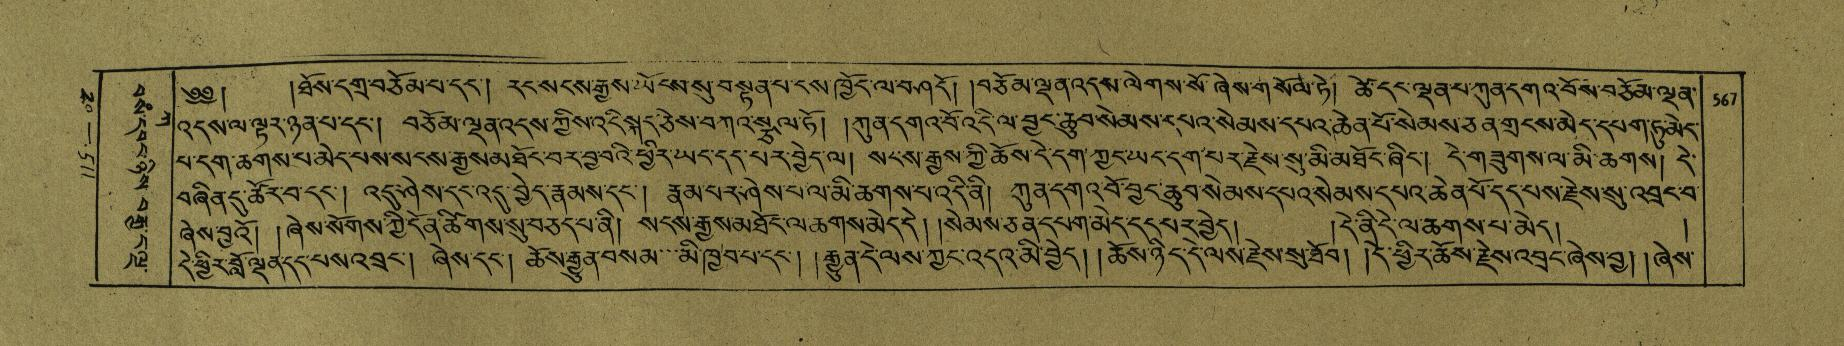༄༅། །ཐོས་དགྲ་བཅོམ་པ་དང་། རང་སངས་རྒྱས་ཡོངས་སུ་བསྟན་པ་ངས་ཁྱོད་ལ་བཤདོ། །བཅོམ་ལྡན་འདས་ལེགས་སོ་ཞེས་གསོལ་ཏེ། ཚེ་དང་ལྡན་པ་ཀུན་དགའ་བོས་བཅོམ་ལྡན་
འདས་ལ་ལྟར་ཉན་པ་དང་། བཅོམ་ལྡན་འདས་ཀྱིས་འདི་སྐད་ཅེས་བཀའ་སྩལ་ཏོ། །ཀུན་དགའ་བོ་འདི་ལ་བྱང་ཆུབ་སེམས་དཔའ་སེམས་དཔའ་ཆེན་པོ་སེམས་ཅན་གྲངས་མེད་དཔག་ཏུ་མེད་
པ་དག་ཆགས་པ་མེད་པས་སངས་རྒྱས་མཐོང་བར་བྱ་བའི་ཕྱིར་ཡང་དད་པར་བྱེད་ལ། སངས་རྒྱས་ཀྱི་ཆོས་དེ་དག་ཀྱང་ཡང་དག་པར་རྗེས་སུ་མི་མཐོང་ཞིང་། དེ་གཟུགས་ལ་མི་ཆགས་།དེ་
བཞིན་དུ་ཚོར་བ་དང་། འདུ་ཤེས་དང་འདུ་བྱེད་རྣམས་དང་། རྣམ་པར་ཤེས་པ་ལ་མི་ཆགས་པ་འདི་ནི། ཀུན་དགའ་བོ་བྱང་ཆུབ་སེམས་དཔའ་སེམས་དཔའ་ཆེན་པོ་དད་པས་རྗེས་སུ་འབྲང་བ་
ཞེས་བྱའོ། །ཞེས་སོགས་ཀྱི་དོན་ཚིགས་སུ་བཅད་པ་ནི། སངས་རྒྱས་མཐོང་ལ་ཆགས་མེད་དེ། །སེམས་ཅན་དཔག་མེད་དད་པར་བྱེད། །དེ་ནི་དེ་ལ་ཆགས་པ་མེད། །
དེ་ཕྱིར་བློ་ལྡན་དད་པས་འབྲང་། ཞེས་དང་། ཆོས་རྒྱུན་བསམ་མི་ཁྱབ་པ་དང་། །རྒྱུན་དེ་ལས་ཀྱང་འདའ་མི་བྱེད། །ཆོས་ཉིད་དེ་ལས་རྗེས་སུ་ཐོབ། །དེ་ཕྱིར་ཆོས་རྗེས་འབྲང་ཞེས་བྱ། །ཞེས་